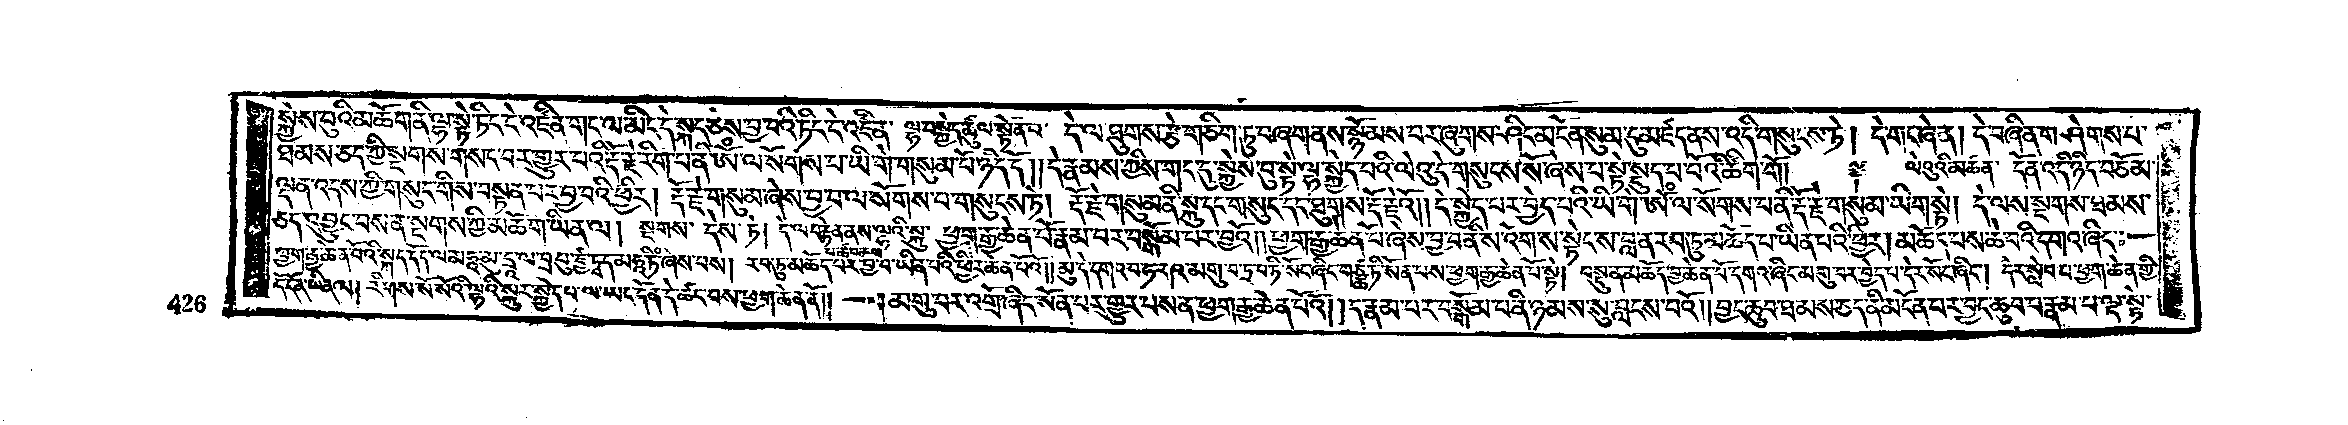སྐྱེས་བུའི་མཆོག་ནི་ལྷ་སྟེ་ཏིང་ངེ་འཛིན་གང་ལ་མིང་དེ་སྐད་ཅེས་བྱ་བའི་ཏིང་ངེ་འཛིན་ལྷ་བསྐྱེད་ཚུལ་སྟོན་པ་དེ་ལ་ཐུགས་རྩེ་གཅིག་ཏུ་བཞག་ནས་སྙོམས་པར་ཞུགས་ཤིང་མངོན་སུམ་དུ་མཛད་ནས་འདི་གསུངས་ཏེ། དེ་གང་ཞེ་ན། དེ་བཞིན་གཤེགས་པ་
ཐམས་ཅད་ཀྱི་སྔགས་གསང་བར་གྱུར་པའི་རྡོ་རྗེ་རིག་པ་ནི་ཨོཾ་ལ་སོགས་པ་ཡི་གེ་གསུམ་པོ་ཉིད་དོ། །དེ་རྣམས་ཀྱིས་གང་དུ་སྐྱེས་བུ་སྟེ་ལྷ་སྐྱེད་པའི་ལེའུ་དེ་གསུངས་སོ་ཞེས་པ་སྟེ་སྡུད་པ་པོའི་ཚིག་གོ ། ༈ ལེའུའི་མཚན་དོན་འདི་ཉིད་བཅོམ་
ལྡན་འདས་ཀྱི་གསུང་གིས་བསྟན་པར་བྱ་བའི་ཕྱིར། རྡོ་རྗེ་གསུམ་ཞེས་བྱ་བ་ལ་སོགས་པ་གསུངས་ཏེ། རྡོ་རྗེ་གསུམ་ནི་སྐུ་དང་གསུང་དང་ཐུགས་རྡོ་རྗེའོ། །དེ་སྐྱེད་པར་བྱེད་པའི་ཡི་གེ་ཨོཾ་ལ་སོགས་པ་ནི་རྡོ་རྗེ་གསུམ་ཡིག་སྟེ། དེ་ལས་སྔགས་ཐམས་
ཅད་འབྱུང་བས་ན་སྔགས་ཀྱི་མཆོག་ཡིན་ལ། སྔགས་དེས་ཏེ། དེ་ལ་བརྟེན་ནས་ལྷའི་སྐུ་ཕྱག་རྒྱ་ཆེན་པོ་རྣམ་པར་བསྒོམ་པར་བྱའོ། །ཕྱག་རྒྱ་ཆེན་པོ་ཞེས་བྱ་བ་ནི་ས་འོག་ས་སྟེང་ས་བླ་ན་རབ་ཏུ་མཆོད་པ་ཡིན་པའི་ཕྱིར། མཆོད་པས་ཆེ་བའི་དགའ་ཞིང་H.
ཕྱག་རྒྱ་ཆེན་པོའི་སྐད་དོད་ལ་མཧཱ་མུ་དྲཱ་ལ་པྲ་པུ་ཛྱ་ཏྭད་མཧཱ་ཏིཾ་ཞེས་པས། རབ་ཏུ་མཆོད་པར་པ་ཚབ་ཆག་བྱ་བ་ཡིན་པའི་ཕྱིར་ཆེན་པོའོ། །མུ་དེ་དགའ་བ་ཧ་ར་ཥ་མགུ་བ་ཏྲ་བ་ཏི་སོང་ཞིང་གཙྪ་ཏི་སོན་པས་ཕྱག་རྒྱ་ཆེན་པོ་སྟེ། བསྡུ་ན་མཆོད་བྱ་ཆེན་པོ་དགའ་ཞིང་མགུ་བར་བྱེད་པ་དེར་སོང་ཞིང་། དེར་སླེབ་པ་ཕྱག་ཆེན་གྱི་
དོན་ཡིན་ལ། རིགས་སོ་སོའི་ལྷའི་སྐུར་སྐྱེད་པ་ལ་ཡང་དོན་དེ་ཚང་བས་ཕྱག་ཆེན་ནོ།། .H མགུ་བར་འགྲོ་ཞིང་སོན་པར་གྱུར་པས་ན་ཕྱག་རྒྱ་ཆེན་པོའོ། །དེ་རྣམ་པར་བསྒོམ་པ་ནི་ཉམས་སུ་བླངས་པའོ། །བྱང་ཆུབ་ཐམས་ཅད་ནི་མངོན་པར་བྱང་ཆུབ་པ་རྣམ་པ་ལྔ་སྟེ་